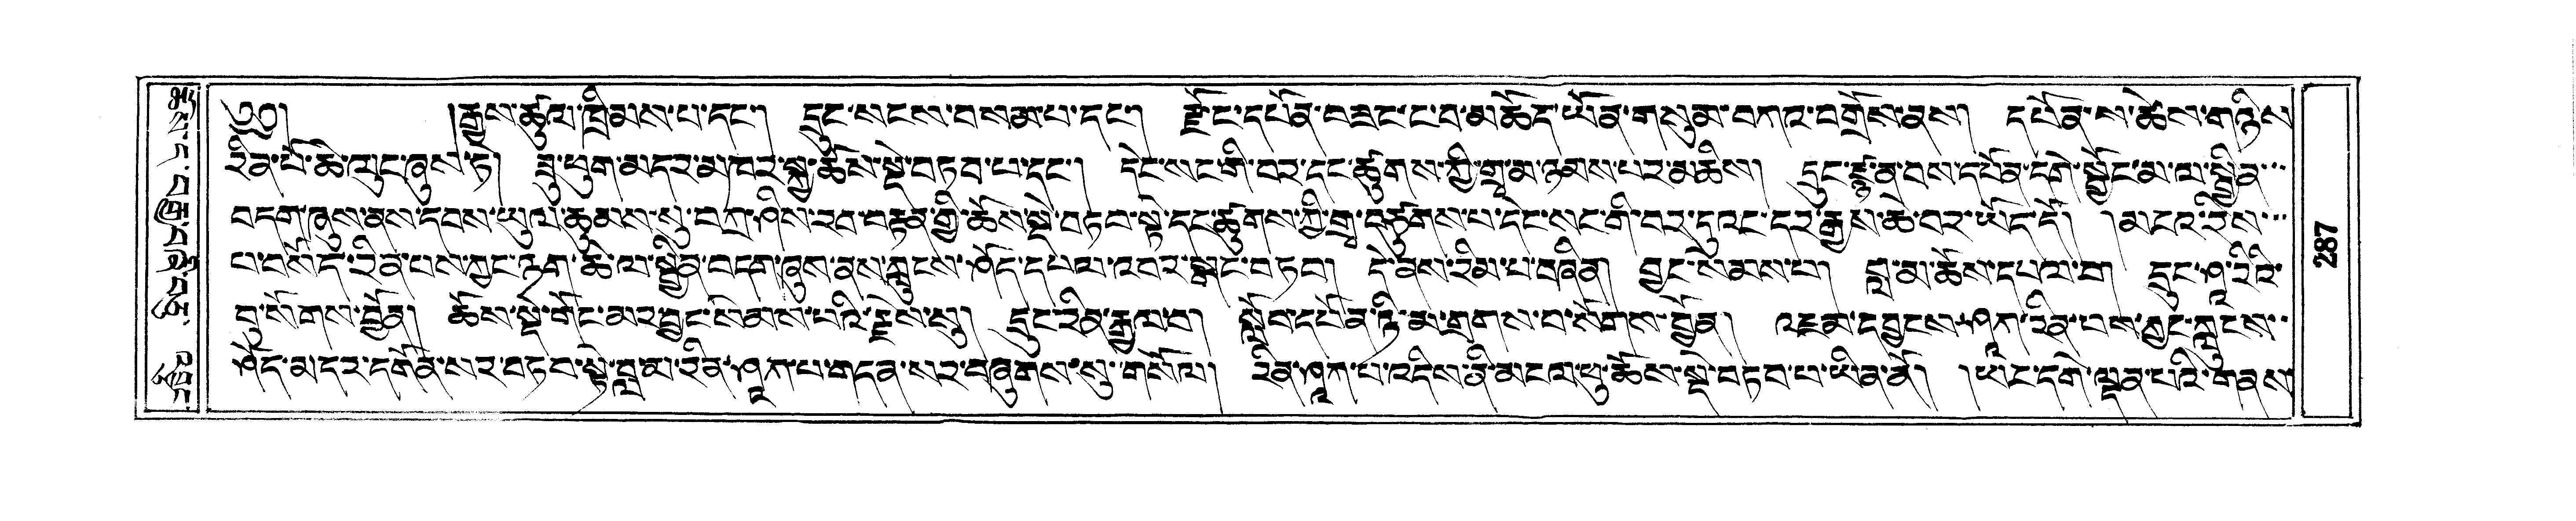༄༅། །རྒྱས་ཚུལ་ཁྲིམས་པ་དང་། དྲུང་སངས་བསམ་པ་དང་། རྫོང་དཔོན་བཟང་ང་བ་མཆོད་ཡོན་གསུམ་བཀའ་བགྲོས་ནས། དཔོན་ས་ཚེས་གཉིས་
རིན་པོ་ཆེ་ལུང་ཞུས་ཏེ། ཟུ་ཕུག་མདར་མཁར་སྐྱ་ཆོས་སྡེ་བཏབ་པ་དང་། དེང་སང་གི་བར་དང་ཚུགས་ཀྱི་གྲྭ་མ་ཉམས་པར་མཆིས། དྲུང་ཛཉ་ནྲ་བས་དཔོན་དགེ་སྦྱོང་མ་ལ་སྦྱིན་
བདག་ཞུས་ནས་དབས་ཡུལ་ཆུམས་སུ་བཀྲ་ཤིས་རབ་བརྟན་གྱི་ཆོས་དེ་བཏབ་སྟེ་དང་ཚུགས་ཀྱི་གྲྭ་བཙུགས་པ་དེང་སང་གི་བར་དུའང་དར་རྒྱས་ཆེ་བར་ཡོད་དོ། །མངའ་རིས་
པ་བསོད་རིན་པས་ཀྱང་ཉག་ཆེ་ལ་སྦྱིན་བདག་ཞུས་ནས་ཀླུངས་ཤོད་དཔལ་འབར་སྒང་བཏབ། དེ་ནས་རིམ་པ་བཞིན། བྱང་སེམས་པ། བླ་མ་ཆོས་དཔལ་བ། དྲུང་ཤཱ་རིའི་
བུ་སོགས་བྱོན། ཆོས་སྡེ་གོང་མར་བྱང་སེམས་པའི་རྗེས་སུ། དྲུང་རིན་རྒྱལ་བ། སློབ་དཔོན་ཉི་མ་གྲགས་བ་སོགས་བྱོན། འཇམ་དབྱངས་ཤཱཀ་རིན་པས་ཀྱང་ཀླུངས་
ཤོད་མདར་དགོན་སར་བཏབ་སྟེ་བླ་མ་རིན་ཤཱཀ་པ་གདན་སར་བཞུགས་སུ་གསོལ། རིན་ཤཱཀ་པ་འདིས་ནི་མངལ་ཕུ་ཆོས་སྡེ་བཏབ་པ་ཡིན་ནོ། །ཡང་དགེ་ལྡན་པའི་གནས་